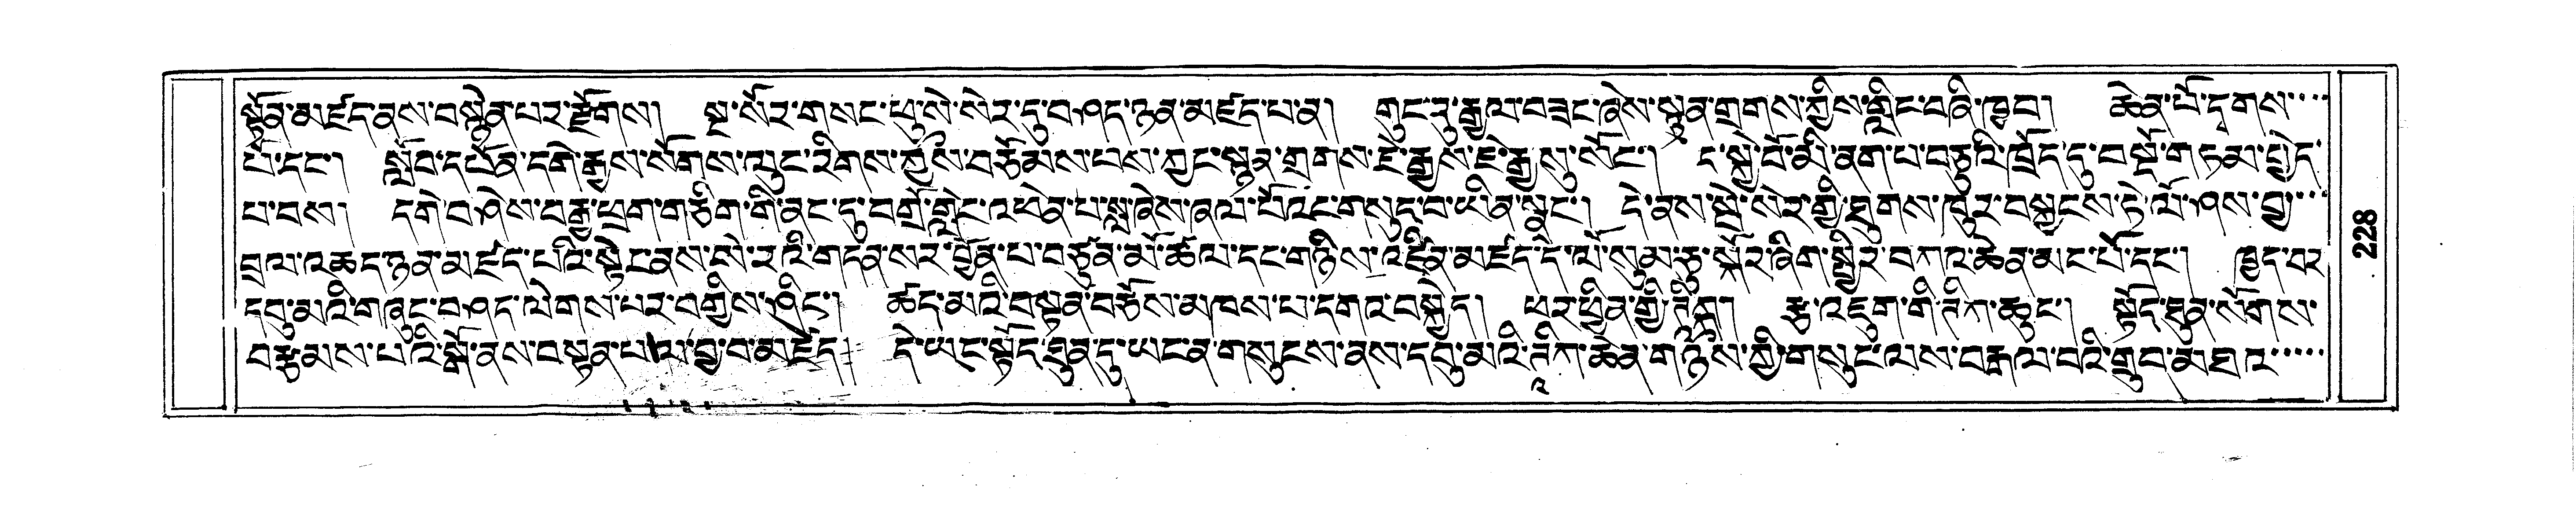སྟོན་མཛད་ནས་བསྙེན་པར་རྫོགས། སྔ་སོར་གསང་ཕུ་སེ་སེར་དུ་བཤད་ཉན་མཛད་པ་ན། གུང་རུ་རྒྱལ་བཟང་ཞེས་སྙན་གྲགས་ཀྱིས་གླིང་བཞི་ཁྱབ། ཆེན་པོ་དྭགས་
པོ་དང་། སློབ་དཔོན་དགེ་རྒྱས་སོགས་ལུང་རིགས་ཀྱྀས་བཅོམས་པས་ཀྱང་སྙན་གྲགས་ཇེ་རྒྱས་ཇེ་རྒྱ་སུ་སོང་། ང་སྐྱེ་བོ་མི་ནག་པ་བཅུའི་ཁྲོད་དུ་བསྔོ་གཏམ་བྱེད་
པ་བས། དགེ་བཤེས་བརྒྱ་ཕྲག་གཅིག་གི་ནང་དུ་བགྲོ་གླེང་འཕེན་པ་སླ་ཞེས་ཞལ་པོའང་གསུང་བ་ཡིན་སྣང་། དེ་ནས་སྦེ་སེར་གྱི་ཐུགས་ཁུར་བསྐྱངས་ཏེ་ལོ་ཤས་བྱ་
བྲལ་འཆད་ཉན་མཛད་པའི་སྟེང་ནས་སེ་རའི་གདན་སར་བྱོན་པ་བཙུན་མོ་ཚལ་དང་གཉིས་འཛིན་མཛད་དེ་ལོ་སུམ་ཅུ་སྐོར་ཞིག་སྤྱིར་བཀའ་ཆེན་མང་པོ་དང་། ཁྱད་པར་
དབུ་མའི་གཞུང་བཤད་ལེགས་པར་བགྱིས་ཤིང་། ཚད་མའི་བསྟན་བཅོས་མཁས་པ་དགའ་བསྐྱེད། ཕར་ཕྱིན་གྱི་ཊིའྐྐ། རྩ་འཇུག་གི་ཊིཀ་ཆུང་། སྟོང་ཐུན་སོགས་
བརྩམས་པའི་སྒོ་ནས་བསྟན་པ་ལ་བྱ་བ་མཛད། དེ་ཡང་སྟོང་ཐུན་དུ་ཡང་ན་གསུངས་ནས་དབུ་མའི་ཊཱིཀ་ཆེན་གཉིས་ཀྱི་གསུང་ལས་བརྒལ་བའི་གྲུབ་མཐའ་